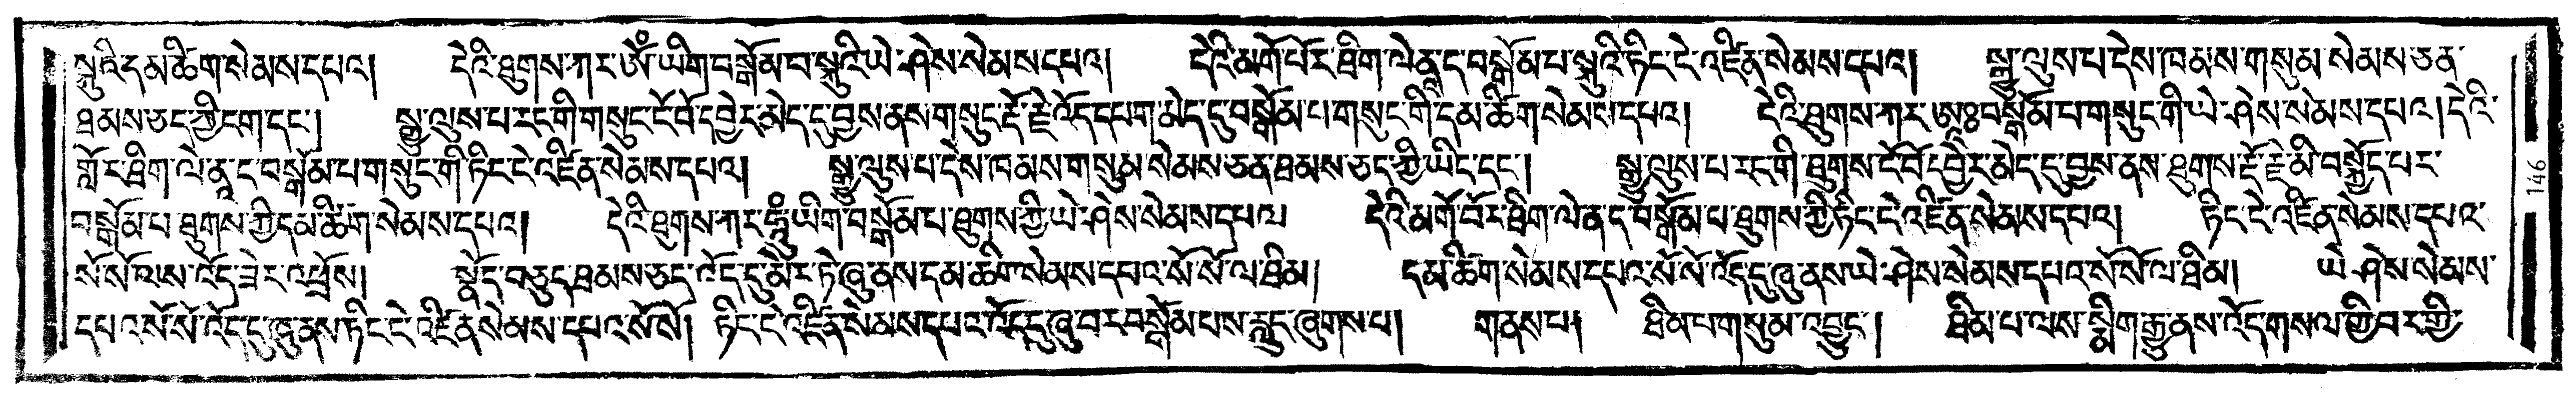སྐུའི་དམ་ཚིག་སེམས་དཔའ། དེའི་ཐུགས་ཀར་ཨོཾ་ཡིག་བསྒོམ་པ་སྐུའི་ཡེ་ཤེས་སེམས་དཔའ། དེའི་མགོ་བོར་ཐིག་ལེ་ནཱ་ད་བསྒོམ་པ་སྐུའི་ཏིང་ངེ་འཛིན་སེམས་དཔའ། སྒྱུ་ལུས་པ་དེས་ཁམས་གསུམ་སེམས་ཅན་
ཐམས་ཅད་ཀྱི་ངག་དང་། སྒྱུ་ལུས་པ་རང་གི་གསུང་ངོ་བོ་དབྱེར་མེད་དུ་བྱས་ནས་གསུང་རྡོ་རྗེ་འོད་དཔག་མེད་དུ་བསྒོམ་པ་གསུང་གི་དམ་ཚིག་སེམས་དཔའ། དེའི་ཐུགས་ཀར་ཨཱཿབསྒོམ་པ་གསུང་གི་ཡེ་ཤེས་སེམས་དཔའ། དེའི་
གློར་ཐིག་ལེ་ནཱ་ད་བསྒོམ་པ་གསུང་གི་ཏིང་ངེ་འཛིན་སེམས་དཔའ། སྒྱུ་ལུས་པ་དེས་ཁམས་གསུམ་སེམས་ཅན་ཐམས་ཅད་ཀྱི་ཡིད་དང་། སྒྱུ་ལུས་པ་རང་གི་ཐུགས་ངོ་བོ་དབྱེར་མེད་དུ་བྱས་ནས་ཐུགས་རྡོ་རྗེ་མི་བསྐྱོད་པར་
བསྒོམ་པ་ཐུགས་ཀྱི་དམ་ཚིག་སེམས་དཔའ། དེའི་ཐུགས་ཀར་ཧཱུཾ་ཡིག་བསྒོམ་པ་ཐུགས་ཀྱི་ཡེ་ཤེས་སེམས་དཔའ། དེའི་མགོ་བོར་ཐིག་ལེ་ན་ད་བསྒོམ་པ་ཐུགས་ཀྱི་ཏིང་ངེ་འཛིན་སེམས་དཔའ། ཏིང་ངེ་འཛིན་སེམས་དཔའ་
སོ་སོ་ལས་འོད་ཟེར་འཕྲོས། སྣོད་བཅུད་ཐམས་ཅད་འོད་དུ་མེར་ཏེ་ཞུ་ནས་དམ་ཚིག་སེམས་དཔའ་སོ་སོ་ལ་ཐིམ། དམ་ཚིག་སེམས་དཔའ་སོ་སོ་འོད་དུ་ཞུ་ནས་ཡེ་ཤེས་སེམས་དཔའ་སོ་སོ་ལ་ཐིམ། ཡེ་ཤེས་སེམས་
དཔའ་སོ་སོ་འོད་དུ་ཞུ་ནས་ཏིང་ངེ་འཛིན་སེམས་དཔའ་སོ་སོ། ཏིང་ངེ་འཛིན་སེམས་དཔའ་འོད་དུ་ཞུ་བར་བསྒོམ་པས་རླུང་ཞུགས་པ། གནས་པ། ཐིམ་པ་གསུམ་འབྱུང་། ཐིམ་པ་ལས་སྨིག་རྒྱུ་ནས་འོད་གསལ་གྱི་བར་གྱི་